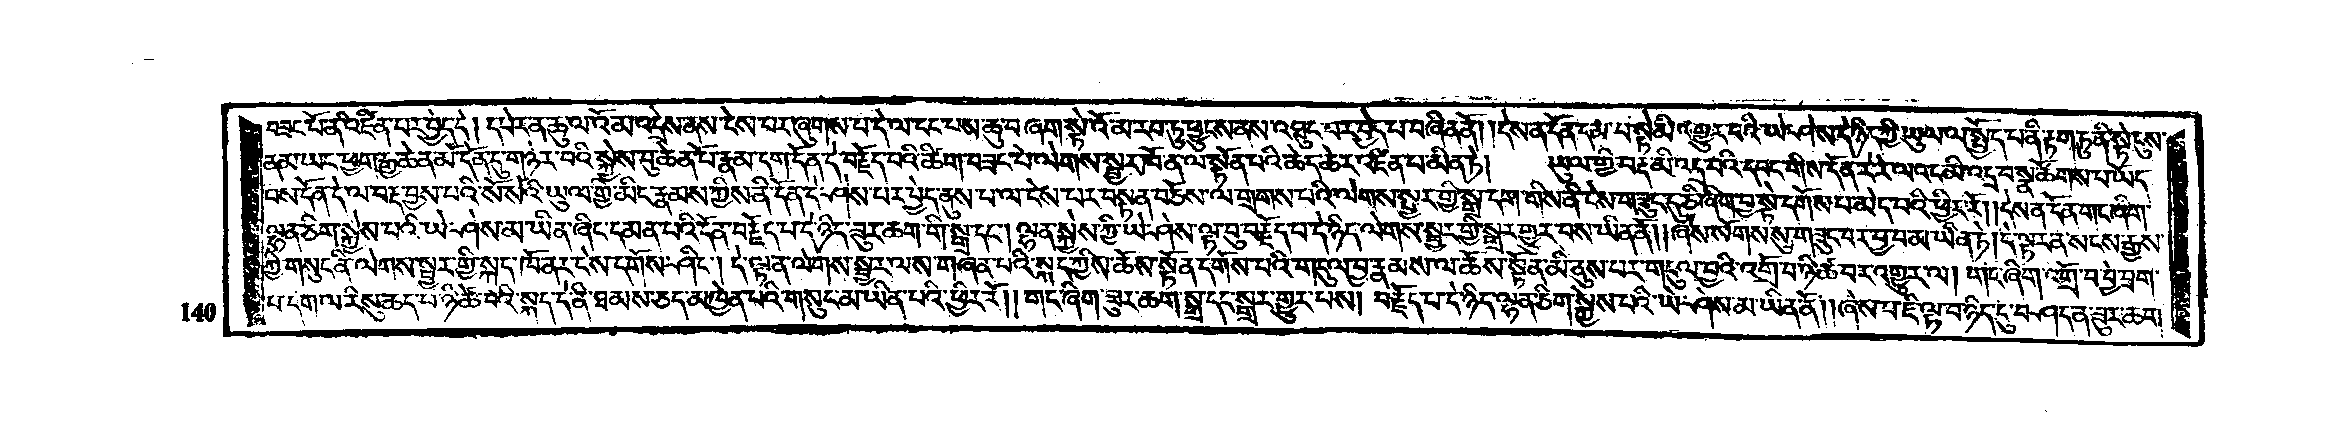བཟང་པོ་ནི་འཛིན་པར་བྱེད་དེ། དཔེར་ན་ཆུ་ལ་འོ་མ་འདྲེས་ནས་ངེས་པར་ཞུགས་པ་དེ་ལ་ངང་པས་ཆུ་བཞག་སྟེ་འོ་མ་རབ་ཏུ་ཕྱུངས་ནས་འཐུང་བར་བྱེད་པ་བཞིན་ནོ། །དེས་ན་དོན་དམ་པ་སྟེ་མི་འགྱུར་བའི་ཡེ་ཤེས་དེ་ཉིད་ཀྱི་ཡུལ་ལ་སྤྱོད་པ་ནི་རྟག་ཏུ་ནི་སྟེ་དུས་
ནམ་ཡང་ཕྱག་རྒྱ་ཆེན་མོ་དོན་དུ་གཉེར་བའི་སྐྱེས་བུ་ཆེན་པོ་རྣམ་དག་དོན་དེ་བརྗོད་པའི་ཚིག་བཟང་པོ་ལེགས་སྦྱར་ཁོ་ན་ལ་སྟོན་པའི་ཆེད་ཆེར་འཛིན་པ་མིན་ཏེ། ཡུལ་གྱི་བརྡ་མི་འདྲ་བའི་དབང་གིས་དོན་རེ་རེ་ལའང་མི་འདྲ་བ་སྣ་ཚོགས་པ་ཡོད་
པས་དོན་དེ་ལ་བརྡ་བྱས་པའི་སོ་སོའི་ཡུལ་གྱི་མིང་རྣམས་ཀྱིས་ནི་དོན་དེ་ཤེས་པར་བྱེད་ནུས་པ་ལ་ངེས་པར་བསྟན་བཅོས་ལ་གྲགས་པའི་ལེགས་སྦྱར་གྱི་སྒྲ་དག་གིས་ནི་ངེས་གཟུང་དུ་ཅི་ཞིག་བྱ་སྟེ་དགོས་པ་མེད་པའི་ཕྱིར་རོ། །དེས་ན་དོན་གང་ཞིག་
ལྷན་ཅིག་སྐྱེས་པའི་ཡེ་ཤེས་མ་ཡིན་ཞིང་དམན་པའི་དོན་བརྗོད་པ་དེ་ཉིད་ཟུར་ཆག་གི་སྒྲ་དང་། ལྷན་སྐྱེས་ཀྱི་ཡེ་ཤེས་ལྟ་བུ་བརྗོད་པ་དེ་ཉིད་ལེགས་སྦྱར་གྱི་སྒྲར་གྱུར་པས་ཡིན་ནོ། །ཞེས་སོགས་སུ་གཟུང་བར་བྱ་བ་མ་ཡིན་ཏེ། དེ་ལྟར་ན་སངས་རྒྱས་
ཀྱི་གསུང་ནི་ལེགས་སྦྱར་གྱི་སྐད་ཁོ་ནར་ངེས་དགོས་ཤིང་། དེ་ལྟ་ན་ལེགས་སྦྱར་ལས་གཞན་པའི་སྐད་ཀྱིས་ཆོས་སྟོན་དགོས་པའི་གདུལ་བྱ་རྣམས་ལ་ཆོས་སྟོན་མི་ནུས་པར་གདུལ་བྱའི་འགྲོ་བ་ཉི་ཚེ་བར་འགྱུར་ལ། གང་ཞིག་འགྲོ་བ་བྱེ་བྲག་
པ་དག་ལ་རིས་སུ་ཆད་པ་ཉི་ཚེ་བའི་སྐད་དེ་ནི་ཐམས་ཅད་མཁྱེན་པའི་གསུང་མ་ཡིན་པའི་ཕྱིར་རོ། །གང་ཞིག་ཟུར་ཆག་སྒྲ་དང་སྒྲར་གྱུར་པས། བརྗོད་པ་དེ་ཉིད་ལྷན་ཅིག་སྐྱེས་པའི་ཡེ་ཤེས་མ་ཡིན་ནོ། །ཞེས་པ་ཇི་ལྟ་བ་ཉིད་དུ་བཤད་ན་ཟུར་ཆག་